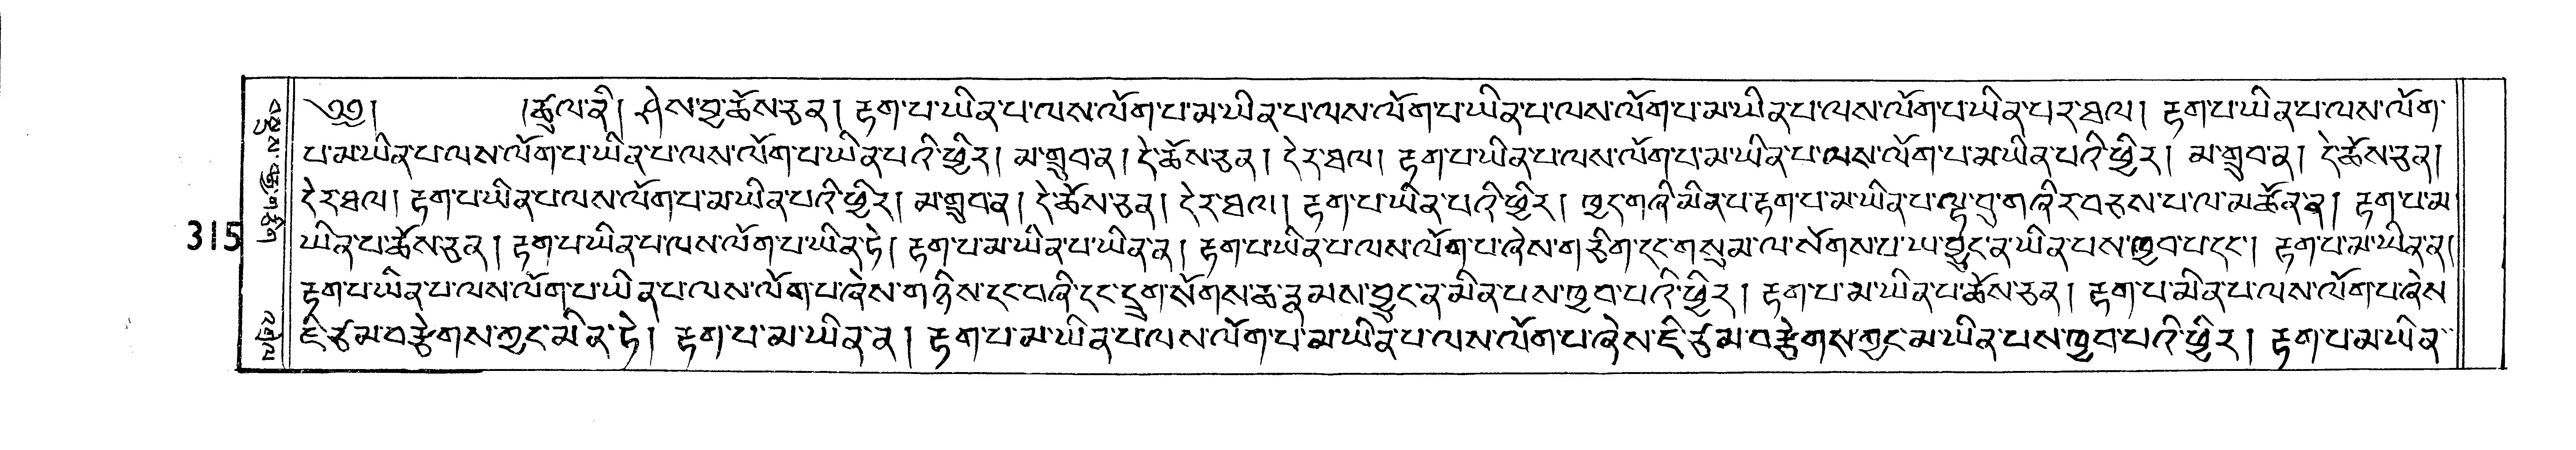༄༅། །ཚུལ་ནི། ཤེས་བྱ་ཆོས་ཅན། རྟག་པ་ཡིན་པ་ལས་ལོག་པ་མ་ཡིན་པ་ལས་ལོག་པ་ཡིན་པ་ལས་ལོག་པ་མ་ཡིན་པ་ལས་ལོག་པ་ཡིན་པར་ཐལ། རྟག་པ་ཡིན་པ་ལས་ལོག་
པ་མ་ཡིན་པ་ལས་ལོག་པ་ཡིན་པ་ལས་ལོག་པ་ཡིན་པའི་ཕྱིར། མ་གྲུབ་ན། དེ་ཆོས་ཅན། དེར་ཐལ། རྟག་པ་ཡིན་པ་ལས་ལོག་པ་མ་ཡིན་པ་ལས་ལོག་པ་མ་ཡིན་པའི་ཕྱིར། མ་གྲུབ་ན། དེ་ཆོས་ཅན།
དེར་ཐལ། རྟག་པ་ཡིན་པ་ལས་ལོག་པ་མ་ཡིན་པའི་ཕྱིར། མ་གྲུབ་ན། དེ་ཆོས་ཅན། དེར་ཐལ། རྟག་པ་ཡིན་པའི་ཕྱིར། ཁྱད་གཞི་མིན་པ་རྟག་པ་མ་ཡིན་པ་ལྟ་བུ་གཞིར་བཅས་པ་ལ་མཚོན་ན། རྟག་པ་མ་
ཡིན་པ་ཆོས་ཅན། རྟག་པ་ཡིན་པ་ལས་ལོག་པ་ཡིན་ཏེ། རྟག་པ་མ་ཡིན་པ་ཡིན་ན། རྟག་པ་ཡིན་པ་ལས་ལོག་པ་ཞེས་གཅིག་དང་གསུམ་ལ་སོགས་པ་ཡ་བྱུང་ན་ཡིན་པས་ཁྱབ་པ་དང་། རྟག་པ་མ་ཡིན་ན།
རྟག་པ་ཡིན་པ་ལས་ལོག་པ་ཡིན་པ་ལས་ལོག་པ་ཞེས་གཉིས་དང་བཞི་དང་དྲུག་སོགས་ཆ་རྣམས་བྱུང་ན་མིན་པས་ཁྱབ་པའི་ཕྱིར། རྟག་པ་མ་ཡིན་པ་ཆོས་ཅན། རྟག་པ་མིན་པ་ལས་ལོག་པ་ཞེས་
ཇི་ཙམ་བརྩེགས་ཀྱང་མིན་ཏེ། རྟག་པ་མ་ཡིན་ན། རྟག་པ་མ་ཡིན་པ་ལས་ལོག་པ་མ་ཡིན་པ་ལས་ལོག་པ་ཞེས་ཇི་ཙམ་བརྩེགས་ཀྱང་མ་ཡིན་པས་ཁྱབ་པའི་ཕྱིར། རྟག་པ་མ་ཡིན་